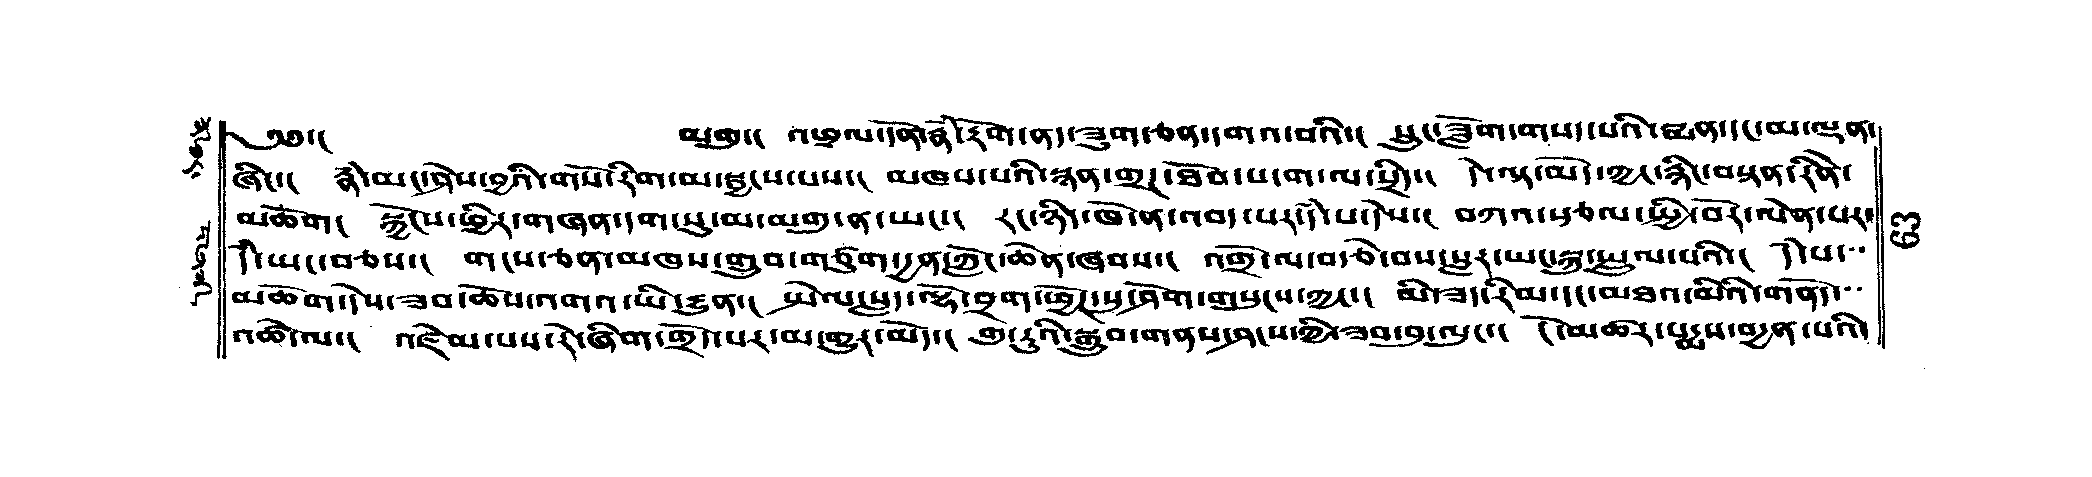མགུ། །འཕྲལ་དོན་རྣམ་རྟོག་ནད་ཟུག་ཅན་དགའ་བའི། །སྲུང་ཟློག་གསད་པའི་སྨན་དང་མ་ལྡན་
ཞིང་། །རྣམ་མང་ཤེས་བྱའི་གསོ་རིག་མ་སྦྱངས་པས། །མཁས་པའི་སྙན་གྲགས་ཐོབ་པ་ག་ལ་སྲིད། །དེ་ལྟ་མོད་ཀྱང་རྙིང་བསྟན་རིན་ཆེན་
མཆོག སྐྱོང་ཕྱིར་གཞན་དག་སུ་མ་མགུ་ན་ཡང་། །རང་ཉིད་ཁོ་ན་འབད་པར་དམ་པ་དེས། །བཀའ་སྩལ་སྤྱི་བོར་ལེན་པར་
དམ་ཡང་བཅས། །གངས་ཅན་མཁས་གྲུབ་གཙུག་རྒྱན་ཀློང་ཆེན་ཞབས། །འགྲོ་ལ་བརྩེ་བས་སླར་ཡང་སྐུ་སྤྲུལ་པའི། །དམ་པ་
མཆོག་དེས་ཟབ་ཆོས་འགའ་ཡི་རྒྱུན། །སྤེལ་སླད་ལྷོ་བྲག་ཕྱོགས་སུ་ཤོག་གསུངས་ཀྱང་། །མི་ཟད་རིམས་དང་མཐའ་མིའི་གནོད་
འཚེ་ལ། །འཛེམ་པས་རེ་ཞིག་བསྒྲོད་པར་མ་གྱུར་མོད། །གུ་རུའི་སྒྲུབ་གནས་ཤངས་ཀྱི་ཟབ་བུ་ལུང་། །ངོ་མཚར་པདྨས་བརྒྱན་པའི་